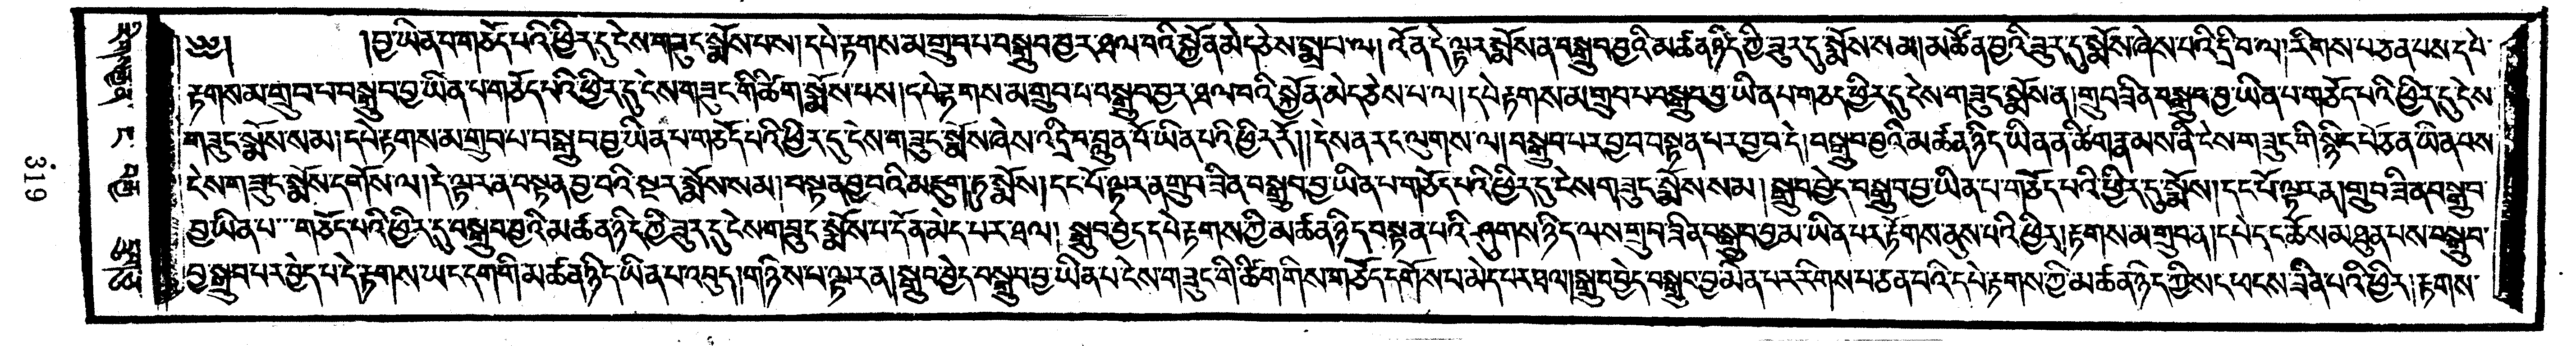༄༅། །བྱ་ཡིན་པ་གཅད་པའི་ཕྱིར་དུ་ངེས་གཟུང་སྨོས་པས། དཔེ་རྟགས་མ་གྲུབ་པ་བསྒྲུབ་བྱར་ཐལ་བའི་སྐྱོན་མེད་ཅེས་སྨྲ་བ་ལ། འོ་ན་དེ་ལྟར་སྨོས་ན་བསྒྲུབ་བྱའི་མཚན་ཉིད་ཀྱི་ཟུར་དུ་སྨོས་སམ། མཚོན་བྱའི་ཟུར་དུ་སྨོས་ཞེས་པའི་དྲི་བ་ལ། རིགས་པ་ཅན་པས་དཔེ་
རྟགས་མ་གྲུབ་པ་བསྒྲུབ་བྱ་ཡིན་པ་གཅད་པའི་ཕྱིར་དུ་ངེས་གཟུང་གི་ཚིག་སྨོས་པས། དཔེ་རྟགས་མ་གྲུབ་པ་བསྒྲུབ་བྱར་ཐལ་བའི་སྐྱོན་མེད་ཅེས་པ་ལ། དཔེ་རྟགས་མ་གྲུབ་པ་བསྒྲུབ་བྱ་ཡིན་པ་གཅད་ཕྱིར་དུ་ངེས་གཟུང་སྨོས་ན། གྲུབ་ཟིན་བསྒྲུབ་བྱ་ཡིན་པ་གཅད་པའི་ཕྱིར་དུ་ངེས་
གཟུང་སྨོས་སམ། དཔེ་རྟགས་མ་གྲུབ་པ་བསྒྲུབ་བྱ་ཡིན་པ་གཅད་པའི་ཕྱིར་དུ་ངེས་གཟུང་སྨོས་ཞེས་འདྲི་བ་བླུན་པོ་ཡིན་པའི་ཕྱིར་རོ། །དེས་ན་རང་ལུགས་ལ། བསྒྲུབ་པར་བྱ་བ་བསྟན་པར་བྱ་བ་དེ། བསྒྲུབ་བྱའི་མཚན་ཉིད་ཡིན་ན་ཚིག་རྣམས་ནི་ངེས་གཟུང་གི་སྙིང་པོ་ཅན་ཡིན་པས་
ངེས་གཟུང་སྨོས་དགོས་ལ། དེ་ལྟར་ན་བསྟན་བྱ་བའི་སྔར་སྨོས་སམ། བསྟན་བྱ་བའི་མཇུག་ཏུ་སྨོས། དང་པོ་ལྟར་ན་གྲུབ་ཟིན་བསྒྲུབ་བྱ་ཡིན་པ་གཅད་པའི་ཕྱིར་དུ་ངེས་གཟུང་སྨོས་སམ། སྒྲུབ་བྱེད་བསྒྲུབ་བྱ་ཡིན་པ་གཅད་པའི་ཕྱིར་དུ་སྨོས། དང་པོ་ལྟར་ན། གྲུབ་ཟིན་བསྒྲུབ་
བྱ་ཡིན་པ་གཅད་པའི་ཕྱིར་དུ་བསྒྲུབ་བྱའི་མཚན་ཉིད་ཀྱི་ཟུར་དུ་ངེས་གཟུང་སྨོས་པ་དོན་མེད་པར་ཐལ། སྒྲུབ་བྱེད་དཔེ་རྟགས་ཀྱི་མཚན་ཉིད་བསྟན་པའི་ཤུགས་ཉིད་ལས་གྲུབ་ཟིན་བསྒྲུབ་བྱ་མ་ཡིན་པར་རྟོགས་ནུས་པའི་ཕྱིར། རྟགས་མ་གྲུབ་ན། དཔེ་དང་ཆོས་མཐུན་པས་བསྒྲུབ་
བྱ་སྒྲུབ་པར་བྱེད་པ་དེ་རྟགས་ཡང་དག་གི་མཚན་ཉིད་ཡིན་པ་འབུད། གཉིས་པ་ལྟར་ན། སྒྲུབ་བྱེད་བསྒྲུབ་བྱ་ཡིན་པ་ངེས་གཟུང་གི་ཚིག་གིས་གཅད་དགོས་པ་མེད་པར་ཐལ། སྒྲུབ་བྱེད་བསྒྲུབ་བྱ་མིན་པར་རིགས་པ་ཅན་པའི་དཔེ་རྟགས་ཀྱི་མཚན་ཉིད་ཀྱིས་འཕངས་ཟིན་པའི་ཕྱིར། རྟགས་